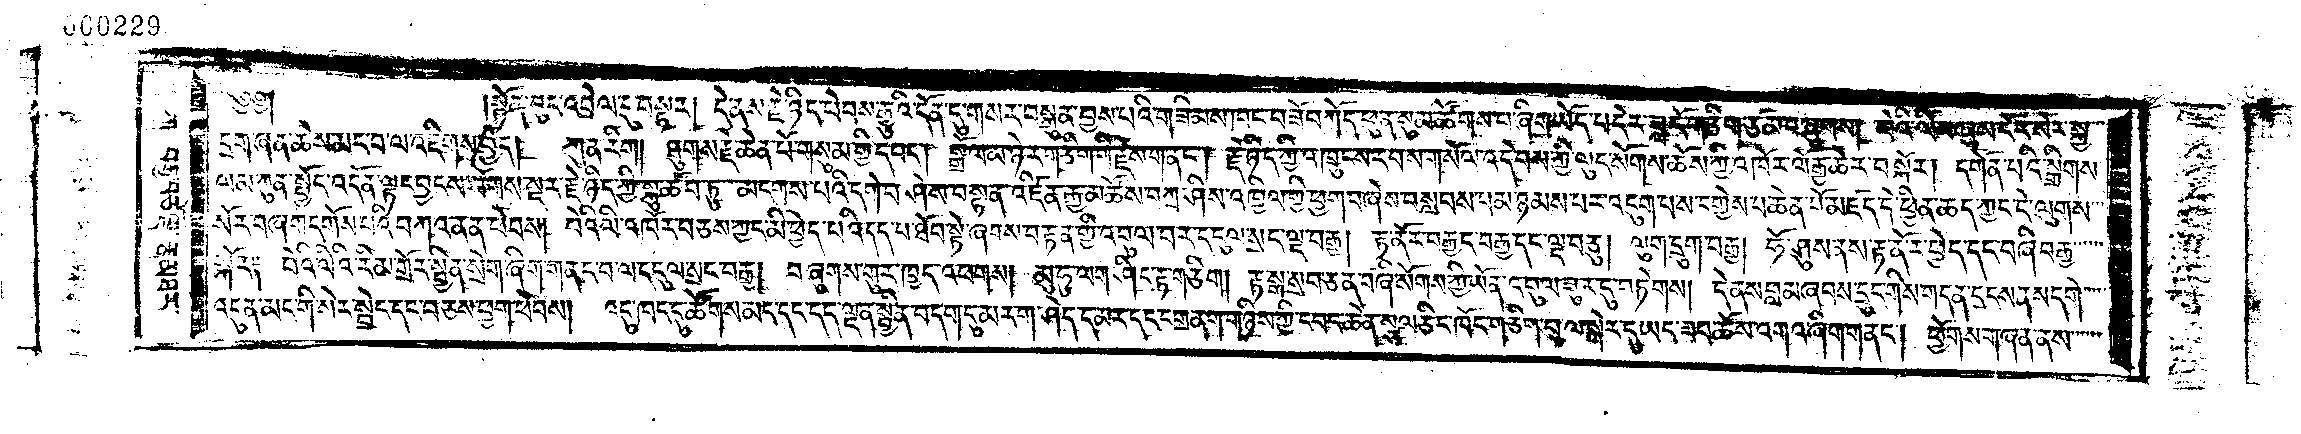༄༅། །སྟོན་ཟུང་འབྲེལ་དུ་བསྟར། དེ་ནས་རྗེ་ཉིད་ཕེབས་རྒྱུའི་དོན་དུ་གསར་བསྐྲུན་བྱས་པའི་གཟིམས་ཁང་བཟོ་བཀོད་ཕུན་སུམ་ཚོགས་པ་ཞིག་ཡོད་པ་དེར་ཟླ་ངོ་གཅིག་ཙམ་བཞུགས། པེའི་ལིས་ཞུས་ངོར་སེར་སྐྱ་
དྲག་ཞན་ཆེས་མང་བ་ལ་འཇིགས་བྱེད། ཀུན་རིག། ཐུགས་རྗེ་ཆེན་པོ་གསུམ་གྱི་དབང་། སྒྲོལ་མ་ཉེར་གཅིག་གི་རྗེས་གནང་། རྗེ་ཉིད་ཀྱི་འཁྲུངས་རབས་གསོལ་འདེབས་ཀྱི་ལུང་སོགས་ཆོས་ཀྱི་འཁོར་ལོ་རྒྱ་ཆེར་བསྐོར། དགོན་པའི་སྒྲིགས་
ལམ་ཀུན་སྤྱོད་འདོན་ལྟ་དབྱངས་སོགས་སྔར་རྗེ་ཉིད་ཀྱི་སྐུ་ཚབ་ཏུ་མངགས་པའི་དགེ་བཤེས་བསྟན་འཛིན་རྒྱ་མཚོས་བཀྲ་ཤིས་འཁྱིལ་གྱི་ཕྱག་བཞེས་བསླབས་པ་མ་ཉམས་པར་འདུག་པས་དགྱེས་པ་ཆེན་པོ་མཛད་དེ་ཕྱིན་ཆད་ཀྱང་དེ་ལུགས་
སོར་བཞག་དགོས་པའི་བཀའ་ནན་ཕེབས། པེའི་ལི་འཁོར་བཅས་ཀྱང་མི་ཕྱེད་པའི་དད་པ་ཐོབ་སྟེ་ཞབས་བརྟན་གྱི་འབུལ་བར་དངུལ་སྲང་ལྔ་བརྒྱ། རྟ་ནོར་བརྒྱད་བརྒྱ་དང་ལྔ་བཅུ། ལུག་དྲུག་བརྒྱ། ཧོ་ཤུས་ནས་རྟ་ནོར་ཕྱེད་དང་བཞི་བརྒྱ་
སྐོར༑ པེའི་ལིའི་རིམ་གྲོང་སྦྱིན་སྲེག་ཞིག་གནང་བ་ལ་དངུལ་སྲང་བརྒྱ། བཞུགས་གྲུ་ཁྱད་འཕགས། མུ་ཧུ་ལག་ཤིང་རྟ་གཅིག། རྟ་སྒ་སྲབ་ཅན་བཞི་སོགས་ཀྱི་ཡོན་འབུལ་ཟུར་དུ་བཏེགས། དེ་ནས་བླ་མ་ཞབས་དྲུང་གིས་གདན་དྲངས་ནས་དགེ་
འདུན་མང་གི་སེར་སྦྲེང་དང་བཅས་ཕྱག་ཕེབས། འདུ་ཁང་དུ་ཚོགས་མང་དང་དད་ལྡན་སྦྱིན་བདག་དུ་མར་གཤེད་དམར་དང་དགྲ་ནག་གཉིས་ཀྱི་དབང་ཆེན་སྩལ་ཅིང་ཁོང་གཅིག་པུ་ལ་སྒེར་དུ་ཡང་ཟབ་ཆོས་འགའ་ཞིག་གནང་། ཕྱོགས་གཞན་ནས་